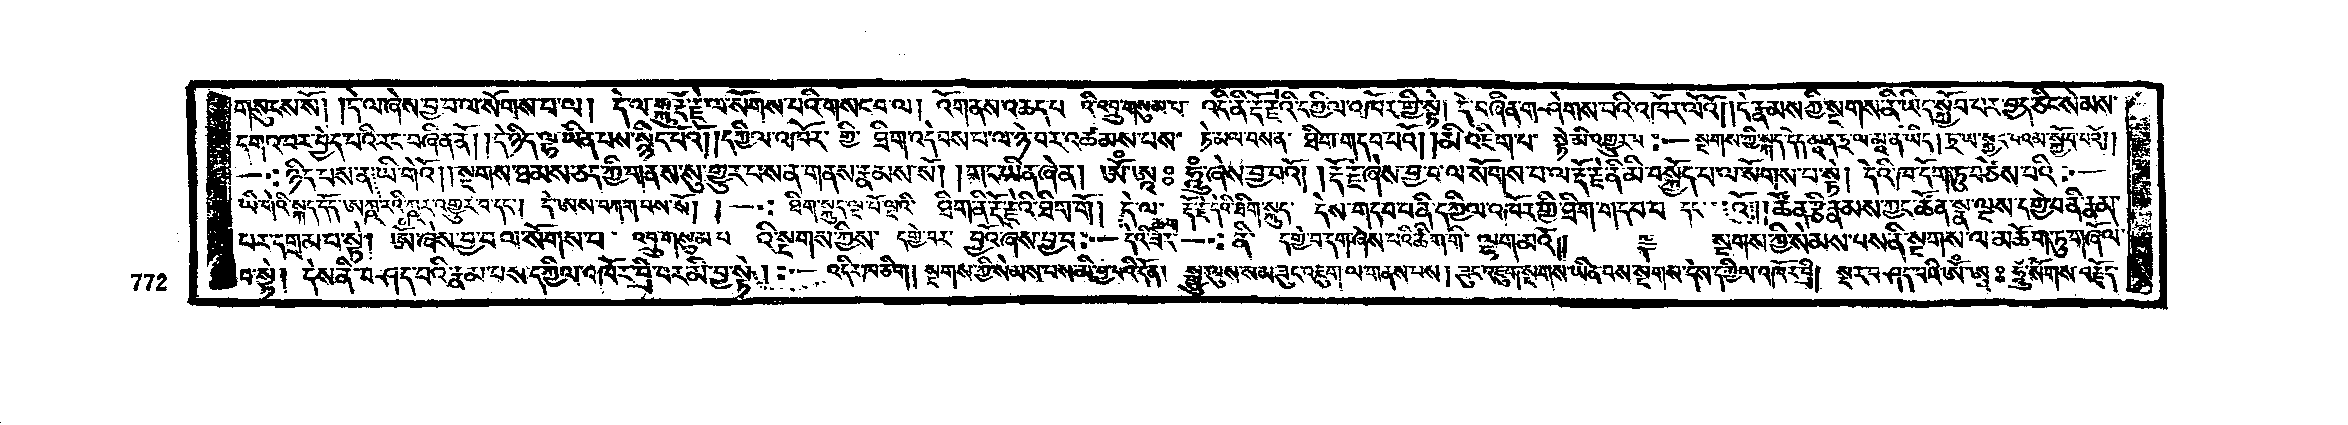གསུངས་སོ། །དེ་ལ་ཞེས་བྱ་བ་ལ་སོགས་པ་ལ། དེ་ལ་སྐུ་རྡོ་རྗེ་ལ་སོགས་པའི་གསང་བ་ལ། འོག་ནས་འཆད་པའི་འབྲུ་གསུམ་པོ་འདི་ནི་རྡོ་རྗེའི་དཀྱིལ་འཁོར་གྱི་སྟེ། དེ་བཞིན་གཤེགས་པའི་འཁོར་ལོའོ། །དེ་རྣམས་ཀྱི་སྔགས་ནི་ཡིད་སྐྱོབ་པར་བྱེད་ཅིང་སེམས་
དགའ་བར་བྱེད་པའི་རང་བཞིན་ནོ། །དེ་ཉིད་ལྷ་ཡིན་པས་སྙིང་པོའོ། །དཀྱིལ་འཁོར་གྱི་ཐིག་འདེབས་པ་ལ་ཉེ་བར་འཚམས་པས་ཏེ་མཁོ་བས་ན་ཐིག་གདབ་པའོ། །མི་འཇིག་པ་སྟེ་མི་འགྱུར་པཿ་སྔགས་ཀྱི་སྐད་དེད་མཱན་ཏྲ་ལ་མཱ་ན་ཡིད། ཏྲ་ཡ་སྐྱོང་པའམ་སྐྱོབ་པའོ།།
.H ཉིད་པས་ན་ཡི་གེའོ། །སྔགས་ཐམས་ཅད་ཀྱི་གནས་སུ་གྱུར་པས་ན་གནས་རྣམས་སོ། །གང་ཡིན་ཞེ་ན། ཨོཾ་ཨཱཿ ཧཱུཾ་ཞེས་བྱ་བའོ། །རྡོ་རྗེ་ཞེས་བྱ་བ་ལ་སོགས་པ་ལ་རྡོ་རྗེ་ནི་མི་བསྐྱོད་པ་ལ་སོགས་པ་སྟེ། དེའི་ཁ་དོག་ཏུ་བཙོས་པའི་H.
ཡི་གེའི་སྐད་དོད་ཨཀྵ་རའི་ཀྵར་འགྱུར་བ་དང་། དེ་ཨས་བཀག་པས་སོ། །.H ཐིག་སྐུད་ལྔ་པོ་ལྔའི་ཐིག་ནི་རྡོ་རྗེའི་ཐིག་གོ། དེ་ལ་རྡོ་རྗེ་དེའི་ཐིག་སྐུད་དེས་གདབ་པ་ནི་དཀྱིལ་འཁོར་གྱི་ཐིག་གདབ་པ་དང་འོ། །ཚོན་རྩི་རྣམས་ཀྱང་ཚོན་སྣ་ལྔས་དགྱ་བ་ནི་རྣམ་
པར་དགྲམ་པ་སྟེ། ཨོཾ་ཞེས་བྱ་བ་ལ་སོགས་པ་འབྲུ་གསུམ་པའི་སྔགས་ཀྱིས་དགྱེ་བར་བྱའོ་ཞེས་བྱ་བ་H.་དེའི་ཟེར་.H ནི་དགྱེ་བ་དག་ཞེས་པའི་ཚིག་གི་ལྷག་མའོ།། ༈ སྔགས་ཀྱི་སེམས་པས་ནི་སྔགས་ལ་མཆོག་ཏུ་གཞོལ་
བ་སྟེ། དེས་ནི་བཤད་པའི་རྣམས་པས་དཀྱིལ་འཁོར་བྲི་བར་མི་བྱ་སྟེ། H.་འདིར་ཁ་ཅིག། སྔགས་ཀྱི་སེམས་པས་མི་བྱ་བའི་དོན། སྒྱུ་ལུས་སམ་ཟུང་འཇུག་ལ་གནས་པས། ཟུང་འཇུག་སྔགས་ཡིན་བས་སྔགས་དེས་དཀྱིལ་འཁོར་བྲི། སྔར་བཤད་པའི་ཨོཾ་ཨའཿ ཧཱུ་སོགས་བརྗོད་